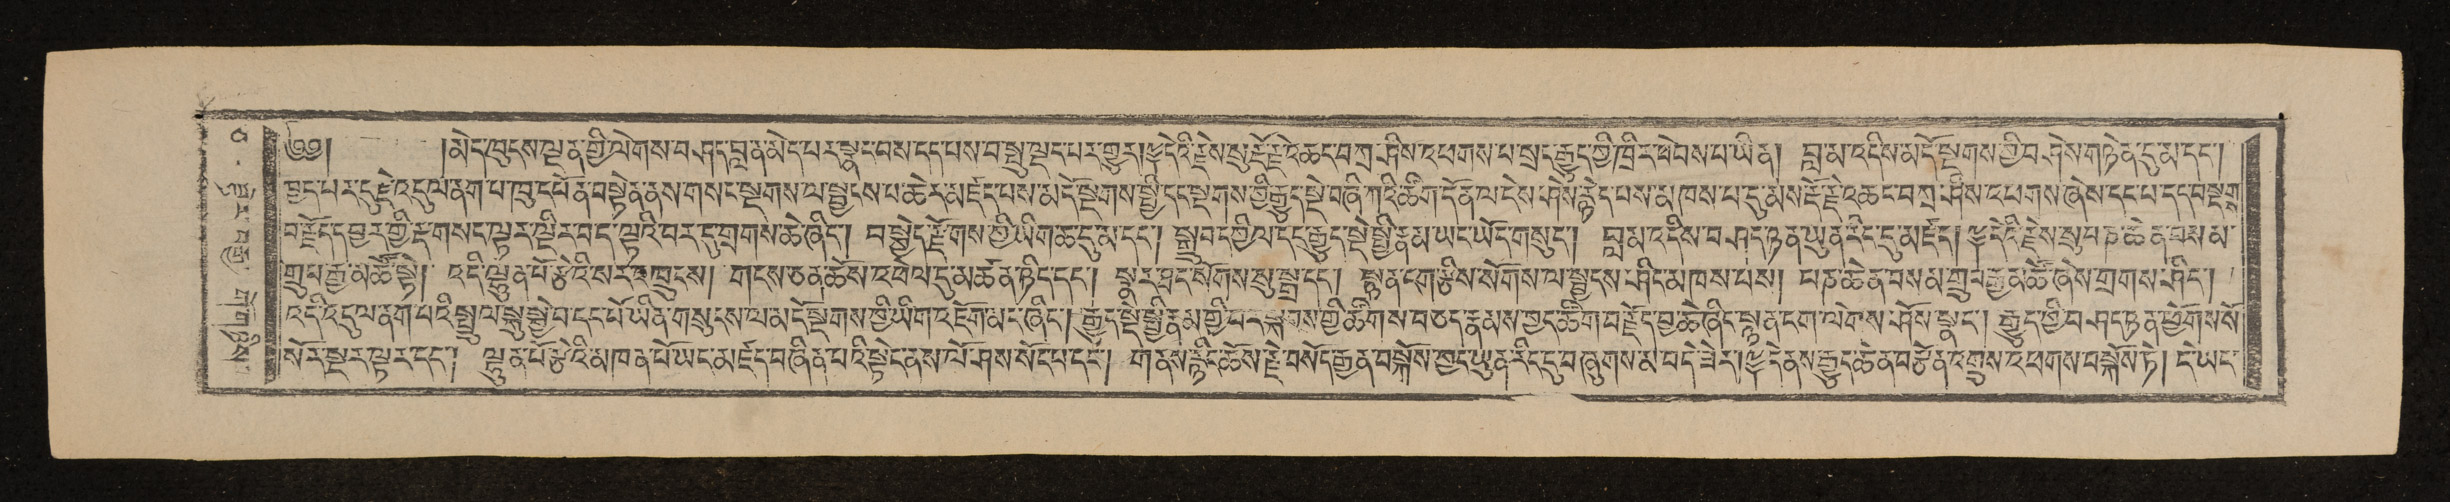༄༅། །མེད་ཁུངས་ལྡན་གྱི་ལེགས་བཤད་བླ་ན་མེད་པར་སྣང་བས་དད་པས་བ་སྤུ་ལྡང་བར་གྱུར། ༈ དེའི་རྗེས་སུ་རྡོ་རྗེ་འཆང་བཀྲ་ཤིས་འཕགས་པ་སྲད་རྒྱུད་ཀྱི་ཁྲིར་ཕེབས་པ་ཡིན། བླ་མ་འདིས་མདོ་སྔགས་ཀྱི་བཤེས་གཉེན་དུ་མ་དང་།
ཁྱད་པར་དུ་རྗེ་འདུལ་ནག་པ་ཁུ་དབོན་བསྟེན་ནས་གསང་སྔགས་ལ་སྦྱངས་པ་ཆེར་མཛད་པས་མདོ་སྔགས་སྤྱི་དང་སྔགས་ཀྱི་རྒྱུད་སྡེ་བཞི་ཀའི་ཚིག་དོན་ལ་ངེས་ཤེས་རྙེད་པས་མཁས་པ་དུ་མས་རྡོ་རྗེ་འཆང་བཀྲ་ཤིས་འཕགས་ཞེས་དད་པ་དང་བསྔགས་
བརྗོད་དབྱར་གྱི་རྔ་གསང་ལྟར་ལྡིར་བ་ད་ལྟའི་བར་དུ་གྲགས་ཆེ་ཞིང་། བསྐྱེད་རྫོགས་ཀྱི་ཡིག་ཆ་དུ་མ་དང་། སྒྲུབ་དཀྱིལ་དང་རྒྱུད་སྡེ་སྤྱི་རྣམ་ཡང་ཡོད་གསུང་། བླ་མ་འདིས་བཤད་ཉན་ཡུན་རིང་དུ་མཛད། ༈ དེའི་རྗེས་སུ་པཎ་ཆེན་བསམ་
གྲུབ་རྒྱ་མཚོ་སྟེ། འདི་ལྷུན་པོ་རྩེའི་སར་འཁྲུངས། གངས་ཅན་ཆོས་འཕེལ་དུ་མཚན་ཉིད་དང་། སྣར་ཐང་སོགས་སུ་སྒྲ་དང་། སྙན་ངག་རྩིས་སོགས་ལ་སྦྱངས་ཤིང་མཁས་པས། པཎ་ཆེན་བསམ་གྲུབ་རྒྱ་མཚོ་ཞེས་གྲགས་ཤིང་།
འདི་འདུལ་ནག་པའི་སྤྲུལ་སྐུ་སྐྱེ་བ་དང་པོ་ཡིན་གསུངས་ལ་མདོ་སྔགས་ཀྱི་ཡིག་འཇོག་མང་ཞིང་། རྒྱུད་སྡེ་སྤྱི་རྣམ་གྱི་བར་སྐབས་གྱི་ཚིགས་བཅད་རྣམས་ཀྱང་ཚིག་བརྗོད་བྱ་ཆེ་ཞིང་སྙན་ངག་ལེགས་ཤོས་སྣང་། རྒྱུད་ཀྱི་བཤད་ཉན་ཕྱོགས་སོ་
སོར་སྔར་ལྟར་དང་། ལྷུན་པོ་རྩེའི་མཁན་པོ་ཡང་མཛད་བཞིན་པའི་སྟེང་ནས་ལོ་ཤས་སོང་བ་དང་། གནས་རྙིང་ཆོས་རྗེ་བསོད་རྒྱན་བསྐོས་ཀྱང་ཡུན་རིང་དུ་བཞུགས་མ་བདེ་ཟེར། ༈ དེ་ནས་རྒྱུད་ཆེན་བརྩོན་འགྲུས་འཕགས་བསྐོས་ཏེ། དེ་ཡང་